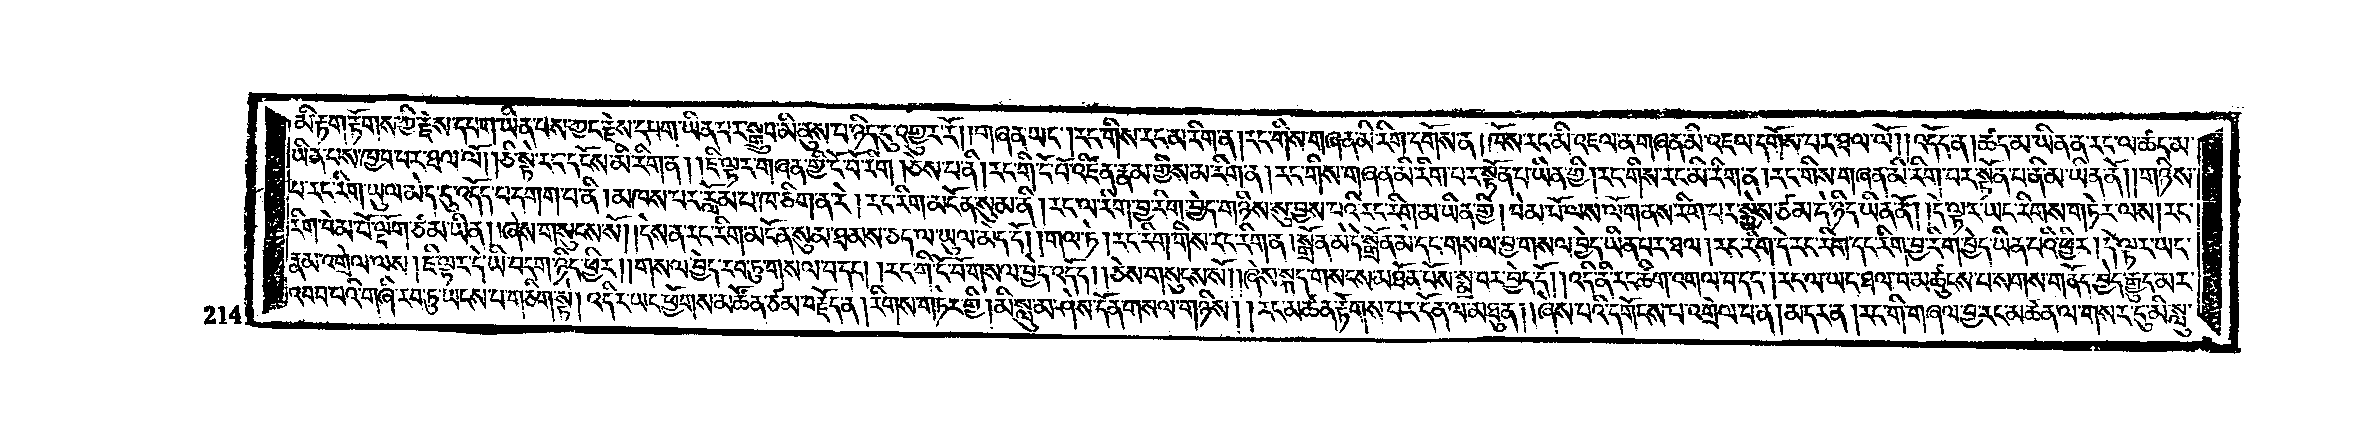མི་རྟག་རྟོགས་ཀྱི་རྗེས་དཔག་ཡིན་པས་ཀྱང་རྗེས་དཔག་ཡིན་པར་སྒྲུབ་མི་ནུས་པ་ཉིད་དུ་འགྱུར་རོ། །གཞན་ཡང་། རང་གིས་རང་མ་རིག་ན། རང་གིས་གཞན་མི་རིག་དགོས་ན། ཁོས་རང་མི་འཇལ་ན་གཞན་མི་འཇལ་དགོས་པར་ཐལ་ལོ། །འདོད་ན། ཚད་མ་ཡིན་ན་རང་ལ་ཚད་མ་
ཡིན་པས་ཁྱབ་པར་ཐལ་ལོ། །ཅི་སྟེ་རང་དངོས་མི་རིག་ན། །ཇི་ལྟར་གཞན་གྱི་ངོ་བོ་རིག །ཅེས་པ་ནི། རང་གི་ངོ་བོ་འཛིན་རྣམ་གྱིས་མ་རིག་ན། རང་གིས་གཞན་མི་རིག་པར་སྟོན་པ་ཡིན་གྱི། རང་གིས་རང་མི་རིག་ན། རང་གིས་གཞན་མི་རིག་པར་སྟོན་པ་ནི་མ་ཡིན་ནོ། །གཉིས་
པ་རང་རིག་ཡུལ་མེད་དུ་འདོད་པ་དགག་པ་ནི། མཁས་པར་རློམ་པ་ཁ་ཅིག་ན་རེ། རང་རིག་མངོན་སུམ་ནི། རང་ལ་རིག་བྱ་རིག་བྱེད་གཉིས་སུ་བྱས་པའི་རང་རིག་མ་ཡིན་གྱི། བེམ་པོ་ལས་ལོག་ནས་རིག་པར་སྐྱེས་ཙམ་དེ་ཉིད་ཡིན་ནོ། །དེ་ལྟར་ཡང་རིགས་གཏེར་ལས། རང་
རིག་བེམ་པོ་ལྡོག་ཙམ་ཡིན། །ཞེས་གསུངས་སོ། །དེས་ན་རང་རིག་མངོན་སུམ་ཐམས་ཅད་ལ་ཡུལ་མེད་དོ། །གལ་ཏེ། རང་རིག་གིས་རང་རིག་ན། སྒྲོན་མེད་དེ་སྒྲོན་མེ་དང་གསལ་བྱ་གསལ་བྱེད་ཡིན་པར་ཐལ། རང་རིག་དེ་རང་རིག་དང་རིག་བྱ་རིག་བྱེད་ཡིན་པའི་ཕྱིར། དེ་ལྟར་ཡང་
རྣམ་འགྲེལ་ལས། ཇི་ལྟར་དེ་ཡི་བདག་ཉིད་ཕྱིར། །གསལ་བྱེད་རབ་ཏུ་གསལ་བ་དང་། །རང་གི་ངོ་བོ་གསལ་བྱེད་འདོད། །ཅེས་གསུངས་སོ། །ཞེས་སྐད་གསང་ས་?་མཐོན་པོས་སྨྲ་བར་བྱེད་དོ། །འདི་ནི་རང་ཚིག་འགལ་བ་དང་། རང་ལ་ཡང་ཐལ་བ་མཚུངས་པ་སོགས་གནོད་བྱེད་རྒྱུད་མར་
འབབ་པའི་གཞི་རབ་ཏུ་ཡངས་པ་གཅིག་སྟེ། འདིར་ཡང་ཕྱོགས་མཚོན་ཙམ་བརྗོད་ན། རིགས་གཏེར་གྱི། མི་སླུ་མ་ཤེས་དོན་གསལ་གཉིས། །རང་མཚན་རྟོགས་པར་དོན་ལ་མཐུན། །ཞེས་པའི་དགོངས་པ་འགྲེལ་པ་ན། མདོར་ན། རང་གི་གཞལ་བྱ་རང་མཚན་ལ་གསར་དུ་མི་སླུ་